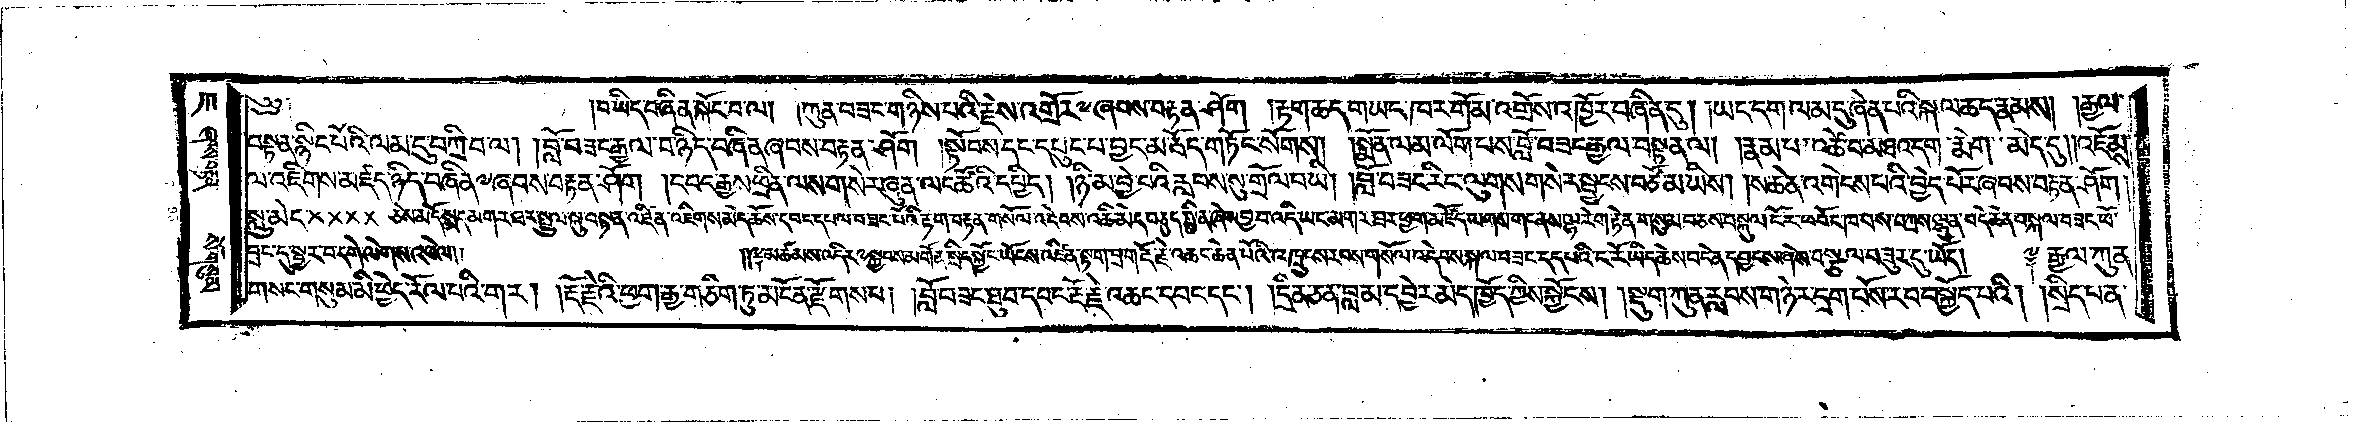༄༅། །བ་ཡིད་བཞིན་སྐོང་བ་ལ། །ཀུན་བཟང་གཉིས་པའི་རྗེས་འགྲོར ༧་ཞབས་བརྟན་ཤོག །རྟག་ཆད་གཡང་ཁར་གོམ་འགྲོས་འཁྱོར་བཞིན་དུ། །ཡང་དག་ལམ་དུ་ཞེན་པའི་སྐལ་ཆད་རྣམས། །རྒྱལ་
བསྟན་སྙིང་པོའི་ལམ་དུ་བཀྲི་བ་ལ། །བློ་བཟང་རྒྱལ་བ་ཉིད་བཞིན་ཞབས་བརྟན་ཤོག །སྟོབས་དང་དཔུང་པ་བྱང་མ་རྦོང་གཏོང་སོགས། །སྨོན་ལམ་ལོག་པས་བློ་བཟང་རྒྱལ་བསྟན་ལ། །རྣམ་པར་འཚེ་བ་མཐའ་དག་རྨེག་མེད་དུ། །འཇོམས་
ལ་འཇིགས་མཛད་ཉིད་བཞིན ༧་ཞབས་བརྟན་ཤོག །དང་ང་རྒྱས་ཕྲིན་ལས་གསེར་ཞུན་ལང་ཚོའི་དཔྱིད། །ཉི་མ་བྱེ་བའི་རླབས་སུ་གྲོལ་བ་ཡི། །བློ་བཟང་རིང་ལུགས་གསེར་སྦྱངས་བཙོམ་ཡིས། །ས་ཆེན་འགེངས་པའི་བྱེད་པོར་ཞབས་བརྟན་ཤོག །
སླུ་མེད་྾྾྾་ཅེས་མདོ་སྨད་མགར་ཐར་སྤྲུལ་སྐུ་བསྟན་འཛིན་འཇིགས་མེད་ཆོས་དབང་དཔལ་བཟང་པོའི་རྟག་བརྟན་གསོལ་འདེབས་འཆི་མེད་བཅུང་སྦྱིན་ཞེས་བྱ་བ་འདི་ཡང་མགར་ཐར་ཕྱག་མཛོས་གང་ནས་ལྷ་རག་རྟེན་གསུམ་བཅས་བསྐུལ་དོར་ཕ་བོང་ཁ་པས་བཀྲས་ལྷུན་བདེ་ཆེན་བསྐལ་བཟང་ཕོ་
བྲང་དུ་སྦྱར་བ་དགེ་ལེགས་འཕེལ།། །། ༈ མཚམས་འདིར ༧་སྐྱབས་མགོན་སྲིད་སྐྱོང་ཡོངས་འཛིན་སྟག་བྲག་རྡོ་རྗེ་འཆང་ཆེན་པོའི་འཁྲུངས་རབས་གསོལ་འདྦེས་སྐལ་བཟང་དད་པའི་ང་རོ་ཡིད་ཆེས་བདེན་དབྱངས་ཞེས་བསྩལ་བཟུར་དུ་ཡོད། ༈ རྒྱལ་ཀུན་
གསང་གསུམ་མི་ཕྱེད་རོལ་པའི་གར། །རྡོ་རྗེའི་ཕྱག་རྒྱ་གཅིག་ཏུ་མངོན་རྫོགས་བ། །བློ་བཟང་ཐུབ་དབང་རྡོ་རྗེ་འཆང་དབང་དང་། །དྲིན་ཅན་བླ་མ་དབྱེར་མེད་ཁྱོད་ཀྱིས་སྐྱོངས། །སྡུག་ཀུན་རླབས་གཉེར་དྲག་པོས་རབ་བསྐྱོད་པའི། །སྲིད་པན་